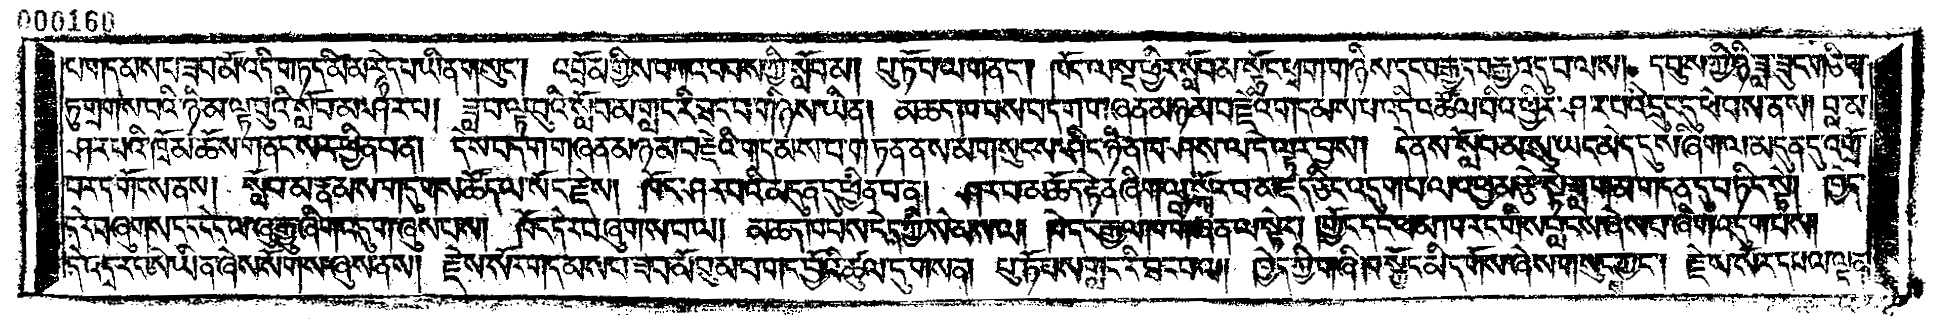པ་གདམས་པ་ཟབ་མོ་འདི་གཏང་མི་མ་རྙེད་པ་ཡིན་གསུང་། འབྲོམ་གྱིས་བཀའ་བབས་ཀྱི་སློབ་མ། པུ་ཏོ་པ་ལ་གནང་། ཁོང་ལ་སྔ་ཕྱིར་སློབ་མ་སྟོང་ཕྲག་གཉིས་དང་བརྒྱད་བརྒྱ་འདུ་བ་ལས། དབུས་ཀྱི་ཉི་ཟླ་ཟུང་གཅིག་
ཏུ་གྲགས་པའི་ཉི་མ་ལྟ་བུའི་སློབ་མ་ཤ་ར་པ། ཟླ་བ་ལྟ་བུའི་སློབ་མ་གླང་རི་ཐང་བ་གཉིས་ཡིན། མཆད་ཁ་པས་བདག་གཞན་མཉམ་བརྗེའི་གདམས་པ་འདི་འཚོལ་བའི་ཕྱིར་ཤ་ར་པའི་དྲུང་དུ་ཕེབས་ནས། བླ་མ་
ཤ་ར་པའི་ཁྲོམ་ཆོས་གནང་སར་ཕྱིན་པ་ན། དེས་བདག་གཞན་མཉམ་བརྗེའི་གདམས་པ་གཏན་ནས་མ་གསུངས་ཤིང་ཉིན་ཁ་ཤས་ལ་དེ་ལྟར་བྱས། དེ་ནས་སློབ་མ་སུ་ཡང་མེད་དུས་ཞིག་ལ་མདུན་དུ་འགྲོ་
བར་དགོངས་ནས། སློབ་མ་རྣམས་གདུགས་ཚོད་ལ་སོང་རྗེས། ཁོང་ཤ་ར་པའི་མདུན་དུ་ཕྱིན་པ་ན། ཤ་ར་བ་མཆོད་རྟེན་ཞིག་ལ་བསྐོར་བ་མཛད་ཅིང་འདུག་པ་ལ་འཕྱམ་རྩེ་སྟེ་ཟླ་གམ་གདན་དུ་བཏིང་སྟེ། ཁྱེད་
དེར་བཞུགས་དང་ངེད་ལ་ཞུ་རྒྱུ་ཞིག་འདུག་ཞུས་པས། ཁོང་དེར་བཞུགས་པ་ལ། མཆད་ཁ་པས་ངེད་ཀྱི་སེམས་ལ། ཁེ་དང་རྒྱལ་ཁ་གཞན་ལ་སྟེར། །གྱོང་དང་ཕམ་ཁ་རང་གིས་བླངས་ཞེས་པ་ཞིག་འདུག་པས།
དེ་འདྲ་རང་ཨེ་ཡིན་ཞེས་སོགས་ཞུས་ནས། རྗེས་སོར་གདམས་པ་ཟབ་མོ་བུམ་པ་གང་བྱོའི་ཚུལ་དུ་གསན། པུ་ཏོ་པས་གླང་རི་ཐང་བ་ལ། ཁྱེད་ཀྱི་གཞི་ཁ་སྐྱོང་མི་དགོས་ཞེས་གསུངས་ཀྱང་། རྗེས་སོར་དཔལ་ལྡན་